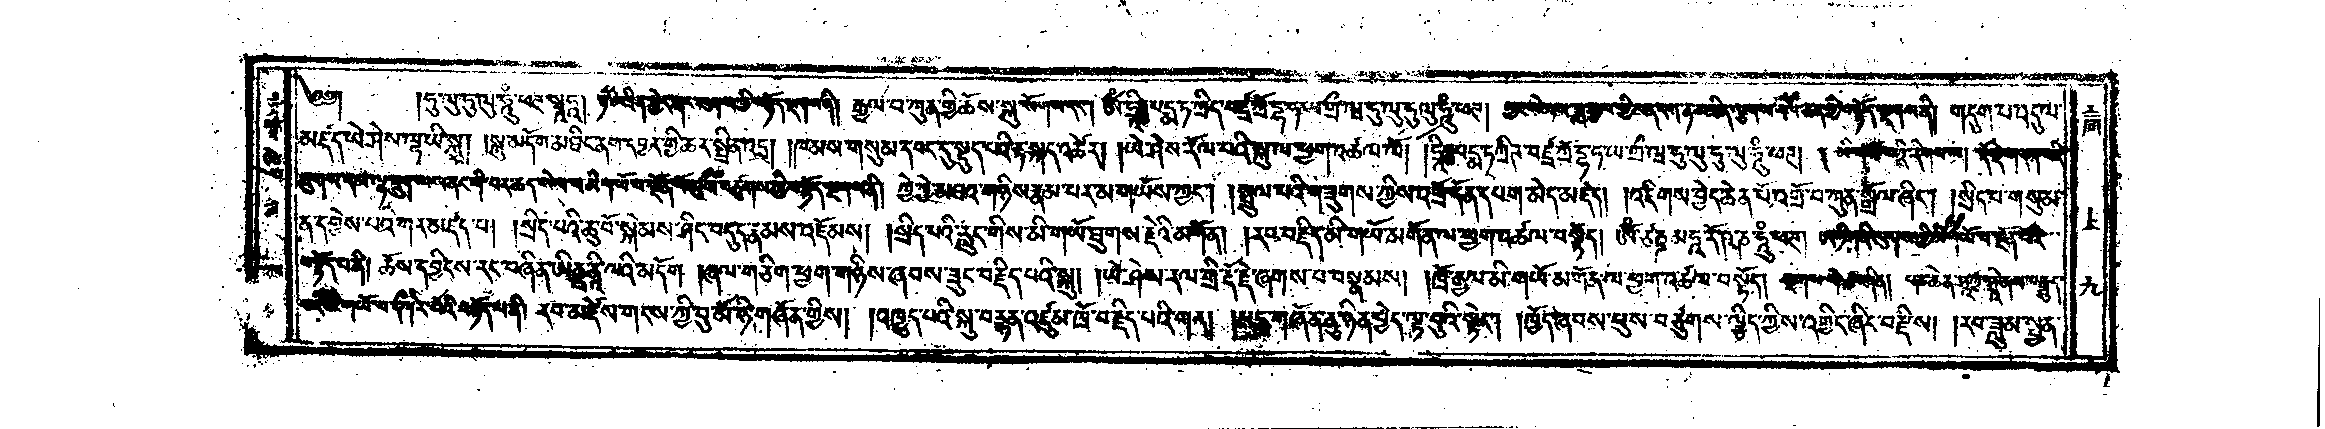༄༅། །ཧུ་ལུ་ཧུ་ལུ་ཧཱུཾ་ཕཊ་སྭཱཧཱ། རྟ ༨༨་མགྲིན་སྐྱེར་སྒང་ལུགས་ཀྱི་བསྟོད་སྔགས་ནི། རྒྱལ་བ་ཀུན་གྱི་ཆོས་སྐུ་སོགས་དང་།  ཨོཾ་ཧྲཱིཿཔདམ་ཏ་ཀྲིད་བཛྲ་ཀྲོ་དྷ་ཧ་ཡ་གྲྀ་ཝ་ཧུ་ལུ་ཧུ་ལུ་ཧཱུཾ་ཕཊ། བྱང་སེམས་ཟླ་རྒྱལ་གྱི་མན་ངག་རྟ་མགྲིན་ལྕགས་རལ ༨༩་ཅན་གྱི་བསྟོད་སྔགས་ནི། གདུག་པ་འདུལ་
མཛད་ཡེ་ཤེས་ལྷ་ཡི་སྐུ། །སྐུ་མདོག་མཐིང་ནག་དབྱར་གྱི་ཆར་སྤྲིན་འདྲ། །ཁམས་གསུམ་དབང་དུ་སྡུད་པའི་རྟ་སྐད་འཚེར། །ཡེ་ཤེས་རོལ་པའི་སྐུ་ལ་ཕྱག་འཚལ་ལོ། །ཧྲཱིཿཔདམ་ཏ་ཀྲིཊ?་བཛྲ་ཀྲོ་དྷ་ཧ་ཡ་གྲྀ་ཝ་ཧུ་ལུ་ཧུ་ལུ་ཧཱུཾ་ཕཊ། ༈ མི་གཡོ་བའི་རིགས་ལ། རྡོ་རྗེ་གདན་བའི་
ཐུགས་དམ་ལྷ་དྲུག་ལས་ནང་གི་བར་ཆད་སེལ་བ་མི་གཡོ་བ་སྔོན་པོ་པུས་༩༠་བཙུགས་ཀྱི་བསྟོད་སྔགས་ནི། ཀྱེ་ཀྱེ་མཐའ་གཉིས་རྣམ་པར་མ་གཡོས་ཀྱང་། །སྤྲུལ་པའི་གཟུགས་ཀྱིས་འགྲོ་དོན་དཔག་མེད་མཛད། །འཇིགས་བྱེད་ཆེན་པོ་འགྲོ་བ་ཀུན་སྒྲོལ་ཞིང་། །སྲིད་པ་གསུམ་
ན་དགྱེས་པའི་གར་མཛད་པ། །སྲིད་པའི་ཆུ་བོ་སྐེམས་ཤིང་བདུད་རྣམས་འཇོམས། །སྲིད་པའི་རླུང་གིས་མི་གཡོ་ཐུགས་རྗེའི་མགོན། །རབ་བརྗིད་མི་གཡོ་མགོན་ལ་ཕྱག་འཚལ་བསྟོད། ཨོཾ་ཙཎྜ་མཧཱ་རོ་ཥ་ཎ་ཧཱུཾ་ཕཊ། ཨ་ཏི་ཤའི་ལུགས་ཀྱི་མི་གཡོ ༩༡་བ་སྔོན་པོའི་
བསྟོད་པ་ནི། ཆོས་དབྱིངས་རང་བཞིན་ཨིནྡྲ་ནཱི་ལའི་མདོག །ཞལ་གཅིག་ཕྱག་གཉིས་ཞབས་ཟུང་བརྗིད་པའི་སྐུ། །ཡེ་ཤེས་རལ་གྲི་རྡོ་རྗེ་ཞགས་པ་བསྣམས། །ཁྲོ་རྒྱལ་མི་གཡོ་མགོན་ལ་ཕྱག་འཚལ་བསྟོད། སྔགས་གོང་བཞིན། པཎ་ཆེན་ཤཱཀྱ་ཤྲཱི་ནས་བརྒྱུད་
པའི་མི་གཡོ་བ་དཀར་༩༢་པོའི་བསྟོད་པ་ནི། རབ་མཛེས་གངས་ཀྱི་བུ་མོ་ཉི་གཞོན་གྱིས། །འཁྱུད་པའི་སྐུ་བརྙན་འཛུམ་ཁྲོ་བརྗིད་པའི་གར། །པདམ་གཞོན་ནུ་ཉིན་བྱེད་ལྟ་བུའི་སྟེང་། །ཁྱོད་ཞབས་པུས་བཙུགས་ལྕིད?་ཀྱིས་འགྱིབ་ཞིང་བརྫིས། །རབ་ཟླུམ་སྤྱན་